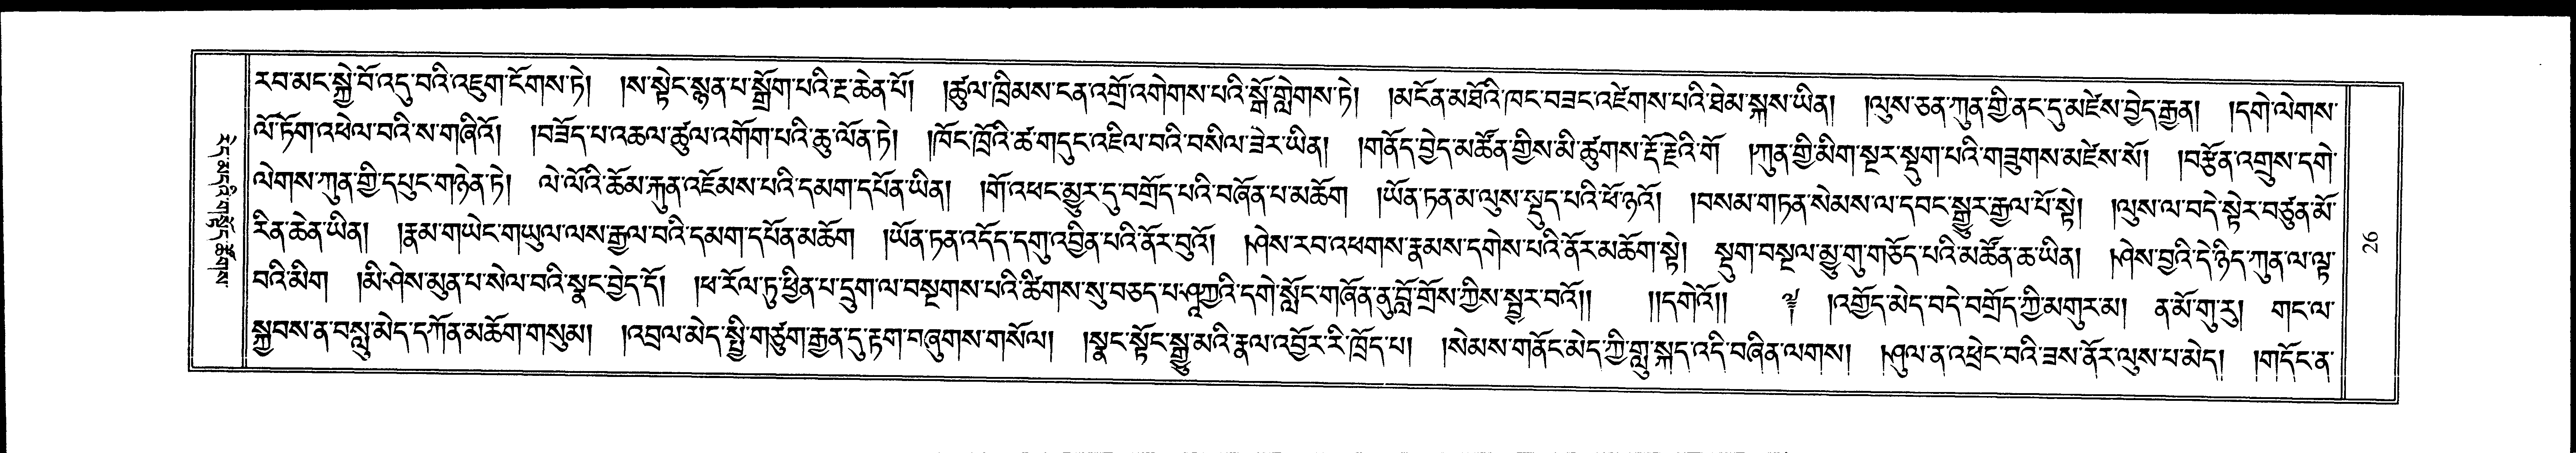རབ་མང་སྐྱེ་བོ་འདུ་བའི་འཇུག་ངོགས་ཏེ། །ས་སྟེང་སྙན་པ་སྒྲོག་པའི་རྔ་ཆེན་པོ། །ཚུལ་ཁྲིམས་ངན་འགྲོ་འགེགས་པའི་སྒོ་གླེགས་ཏེ། །མངོན་མཐོའི་ཁང་བཟང་འཛེགས་པའི་ཐེམ་སྐས་ཡིན། །ལུས་ཅན་ཀུན་གྱི་ནང་དུ་མཛེས་བྱེད་རྒྱན། །དགེ་ལེགས་
ལོ་ཏོག་འཕེལ་བའི་ས་གཞིའོ། །བཟོད་པ་འཆལ་ཚུལ་འགོག་པའི་ཆུ་ལོན་ཏེ། །ཁོང་ཁྲོའི་ཚ་གདུང་འཇིལ་བའི་བསིལ་ཟེར་ཡིན། །གནོད་བྱེད་མཚོན་གྱིས་མི་ཚུགས་རྡོ་རྗེའི་གོ །ཀུན་གྱི་མིག་སྔར་སྡུག་པའི་གཟུགས་མཛེས་སོ། །བརྩོན་འགྲུས་དགེ་
ལེགས་ཀུན་གྱི་དཔུང་གཉེན་ཏེ། ལེ་ལོའི་ཆོམ་རྐུན་འཇོམས་པའི་དམག་དཔོན་ཡིན། །གོ་འཕང་མྱུར་དུ་བགྲོད་པའི་བཞོན་པ་མཆོག །ཡོན་ཏན་མ་ལུས་སྡུད་པའི་ཕོ་ཉའོ། །བསམ་གཏན་སེམས་ལ་དབང་སྒྱུར་རྒྱལ་པོ་སྟེ། །ལུས་ལ་བདེ་སྟེར་བཙུན་མོ་
རིན་ཆེན་ཡིན། །རྣམ་གཡེང་གཡུལ་ལས་རྒྱལ་བའི་དམག་དཔོན་མཆོག །ཡོན་ཏན་འདོད་དགུ་འབྱིན་པའི་ནོར་བུའོ། །ཤེས་རབ་འཕགས་རྣམས་དགེས་པའི་ནོར་མཆོག་སྟེ། སྡུག་བསྔལ་མྱུ་གུ་གཅོད་པའི་མཚོན་ཆ་ཡིན། །ཤེས་བྱའི་དེ་ཉིད་ཀུན་ལ་ལྟ་
བའི་མིག །མི་ཤེས་མུན་པ་སེལ་བའི་སྣང་བྱེད་དོ། །ཕ་རོལ་ཏུ་ཕྱིན་པ་དྲུག་ལ་བསྔགས་པའི་ཚིགས་སུ་བཅད་པ་ཤཱཀྱའི་དགེ་སློང་གཞོན་ནུ་བློ་གྲོས་ཀྱིས་སྦྱར་བའོ།། །།དགེའོ།། ༈ །འགྱོད་མེད་བདེ་བགྲོད་ཀྱི་མགུར་མ། ན་མོ་གུ་རུ། གང་ལ་
སྐྱབས་ན་བསླུ་མེད་དཀོན་མཆོག་གསུམ། །འབྲལ་མེད་སྤྱི་གཙུག་རྒྱན་དུ་རྟག་བཞུགས་གསོལ། །སྣང་སྟོང་སྒྱུ་མའི་རྣལ་འབྱོར་རི་ཁྲོད་པ། །སེམས་གནོང་མེད་ཀྱི་གླུ་སྐད་འདི་བཞིན་ལགས། །ཤུལ་ན་འཕྲེང་བའི་ཟས་ནོར་ལུས་པ་མེད། །གདོང་ན་